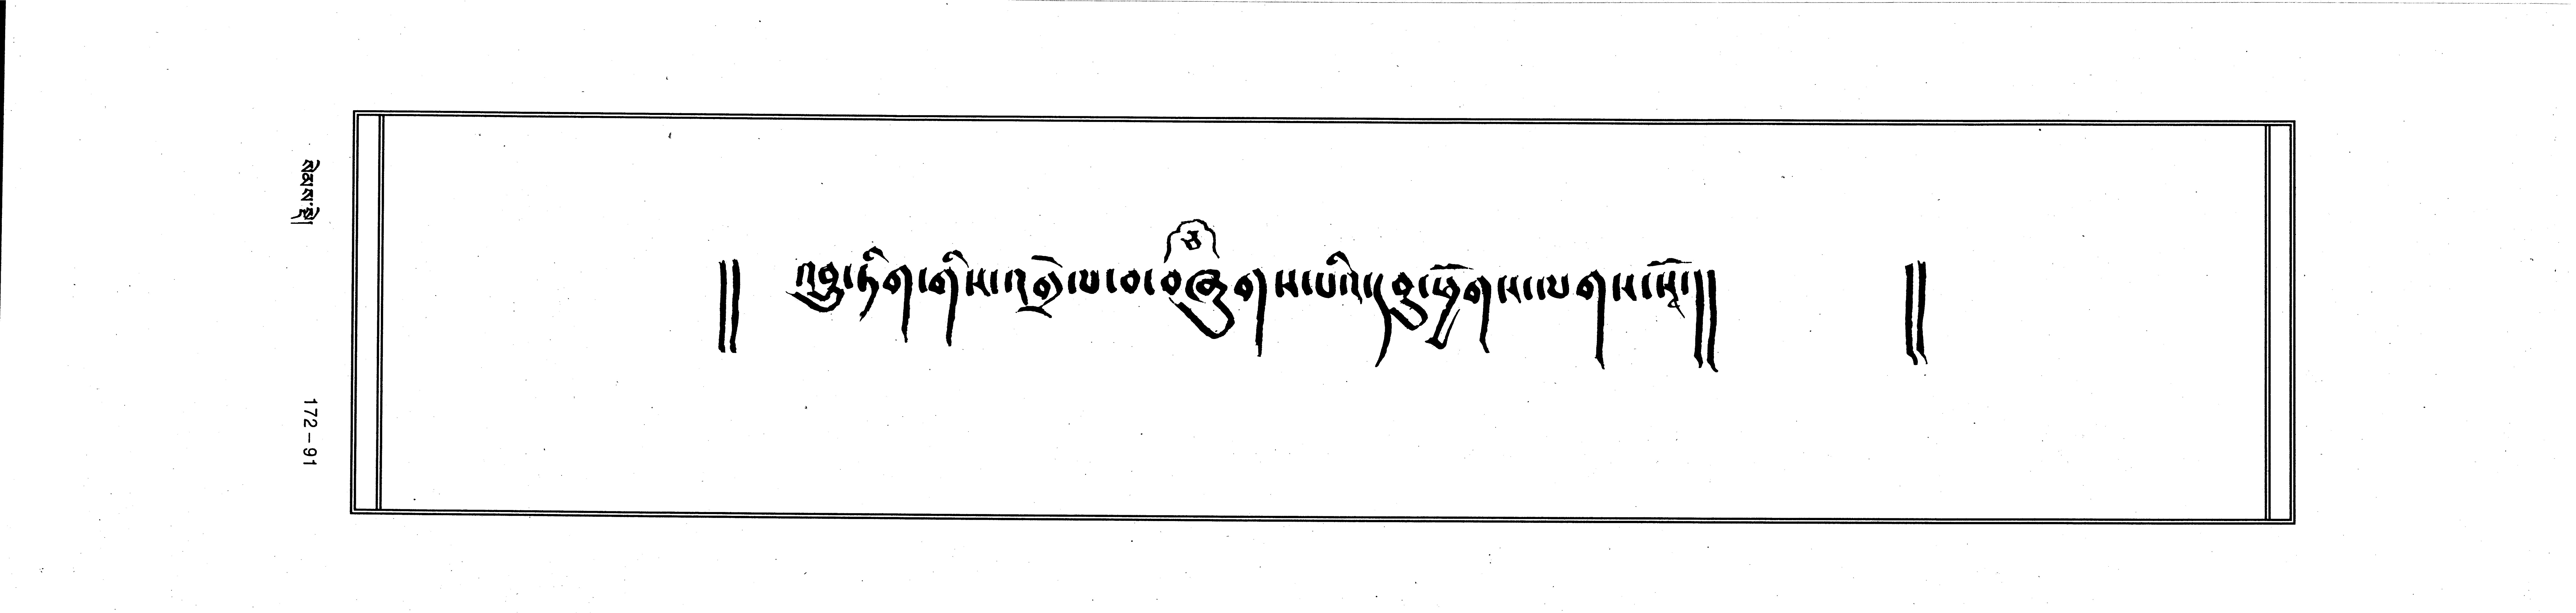༼ ཅ༽འབྲུ་ཏིག་གིས་འགྲེལ་བ་བཞུགས་པའི་དབུ་ཕྱོགས་ལགས་སྭོ།།